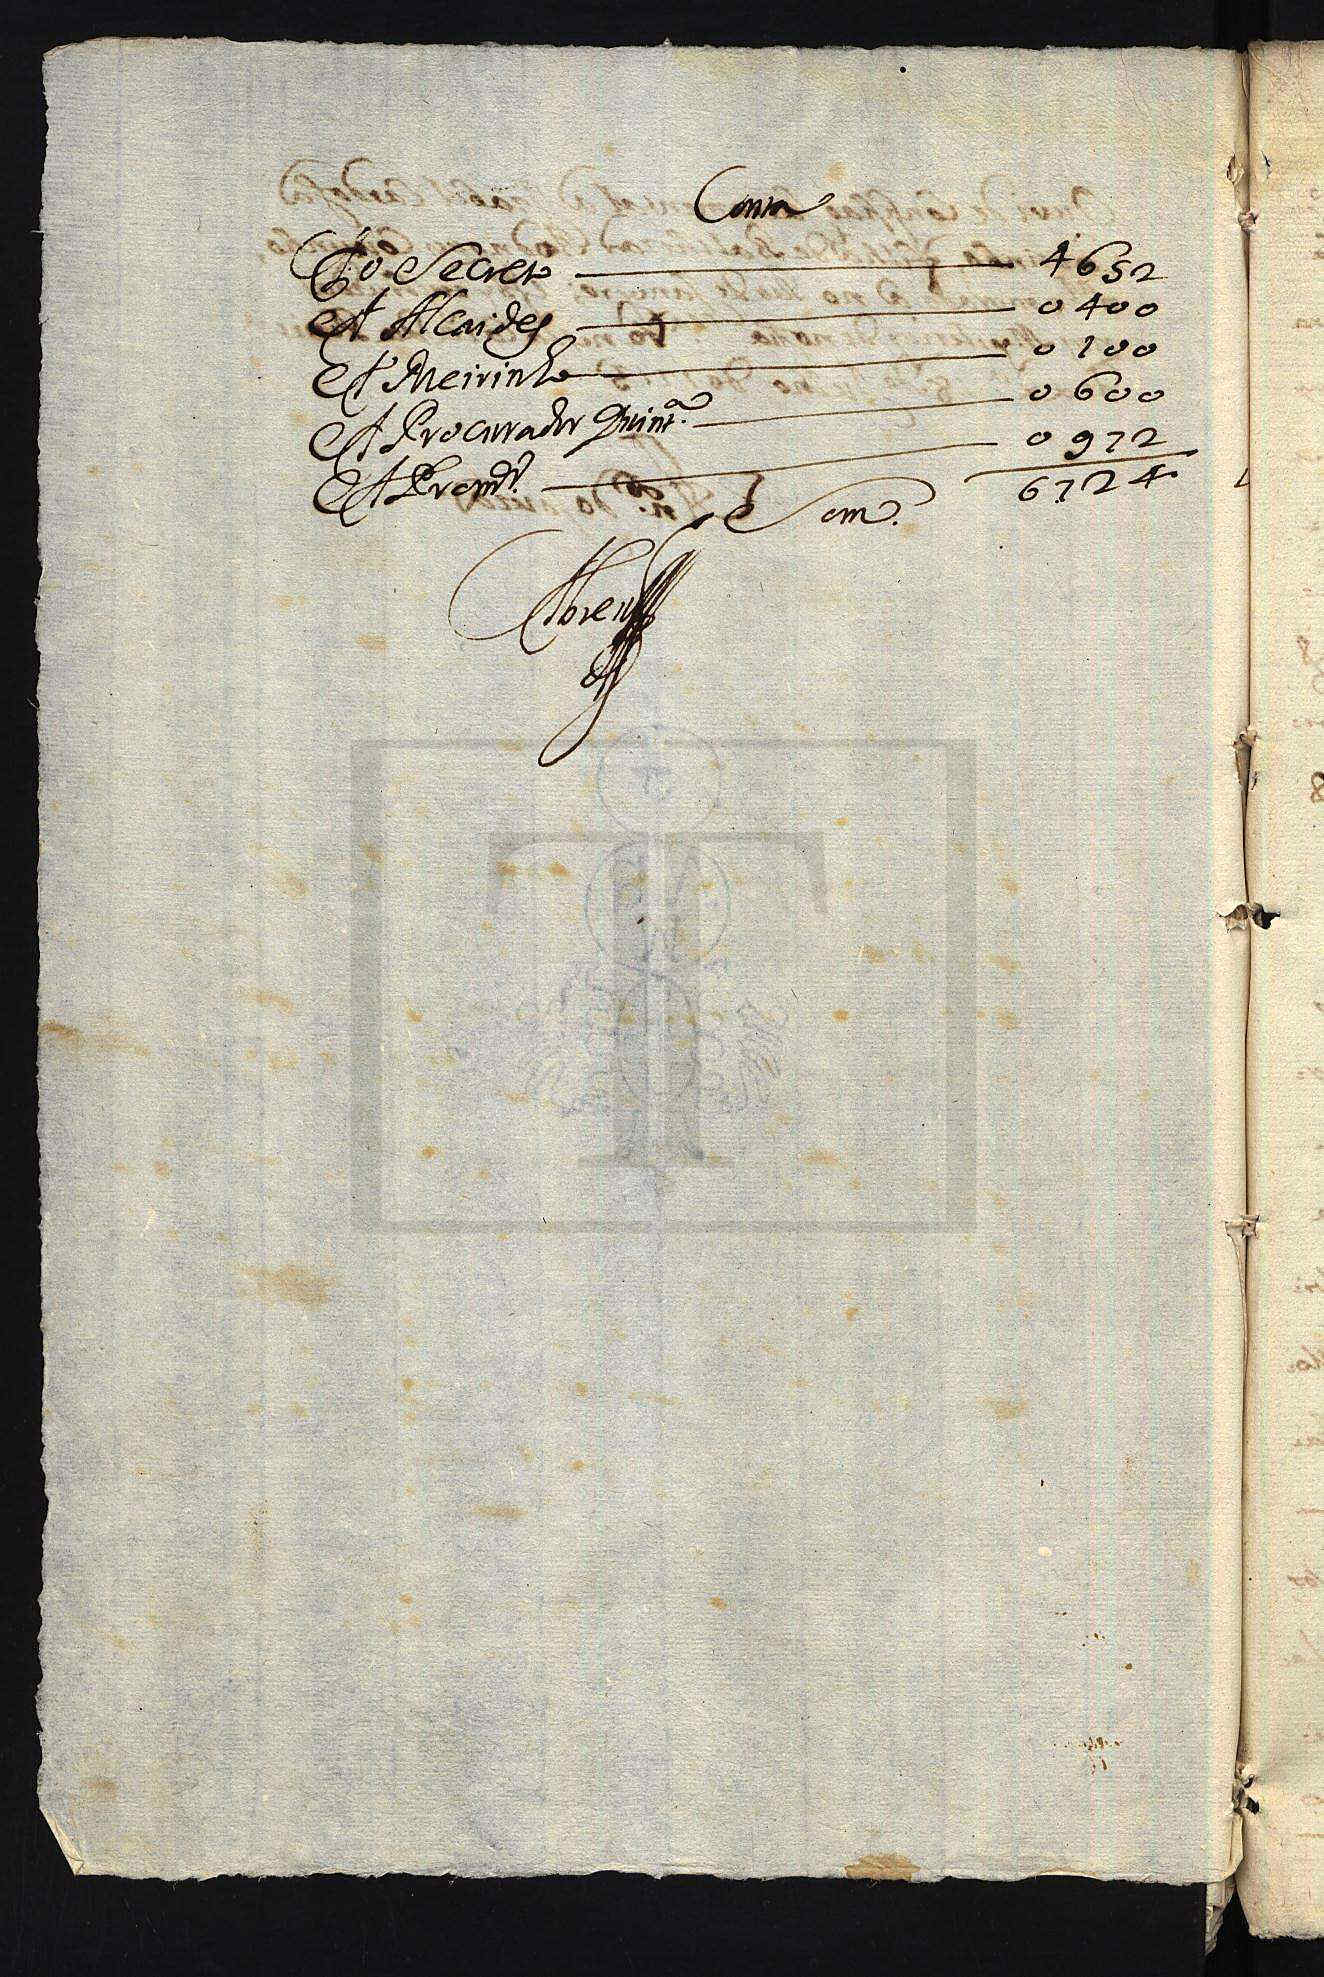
Conta
Do Secreto 4652
A Alcaides 0400
et̄ Meirinho 0100
A Procurador Quint.a 0600
A Promor. 0972
Sem 6724
Abreu
